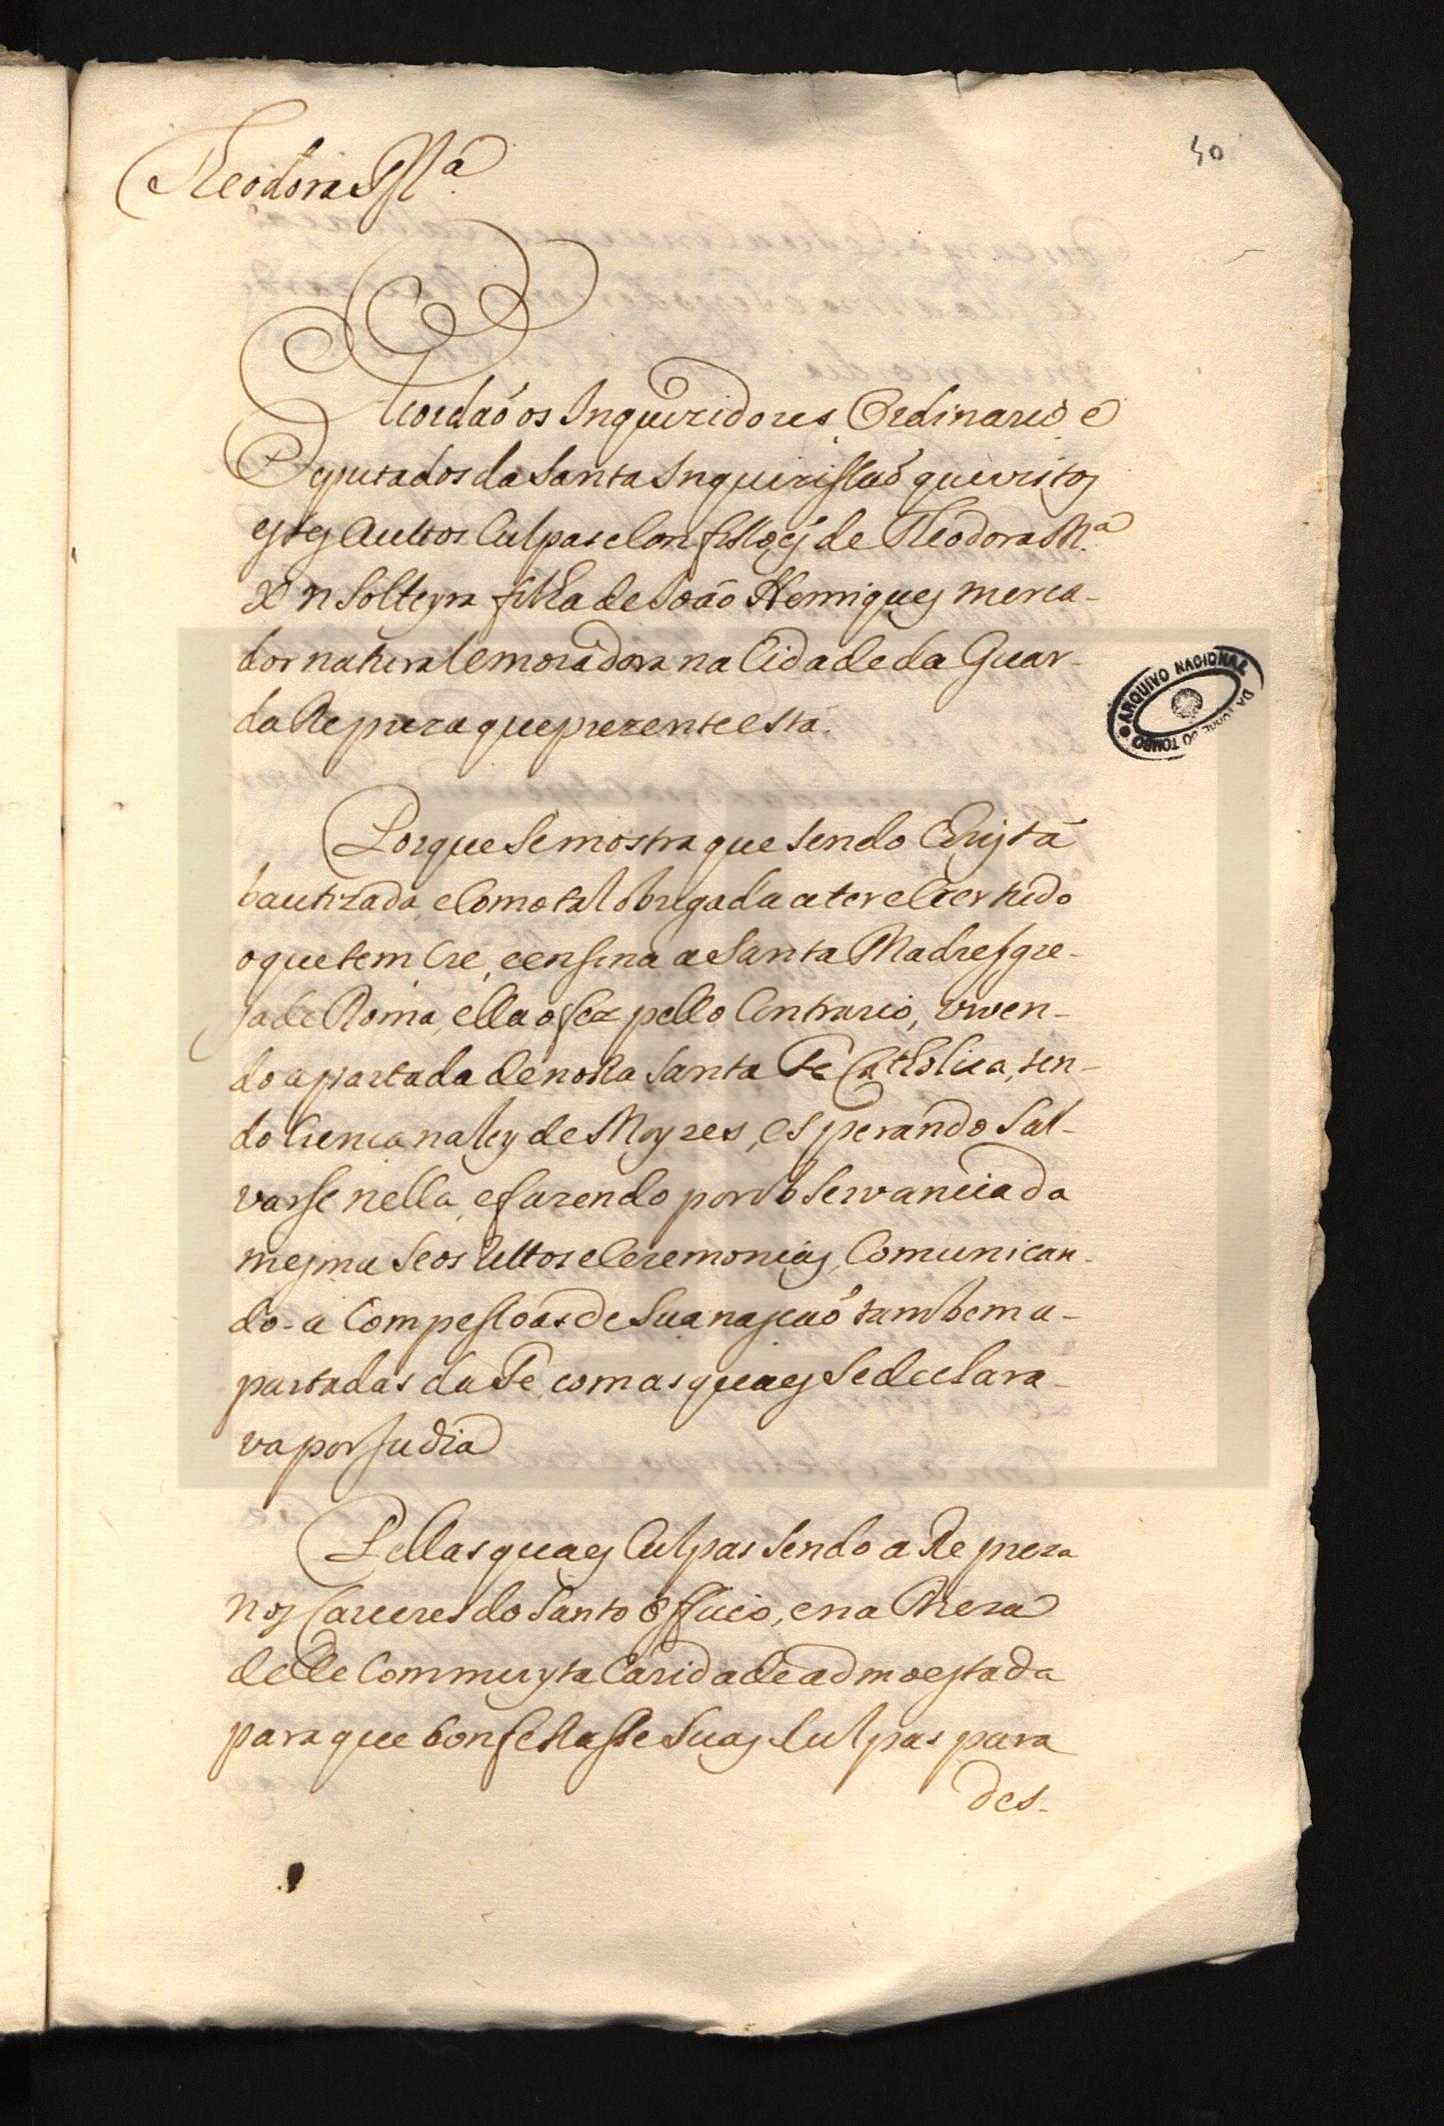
Theodora Ma.
Acordaõ os Inquizidores Ordinario e
Deputados da Santa Inquizissaõ que vistos
estes Auttos Culpas e Confissoẽs de Theodora M.a
xn Solteyra filha de Ioão Henriques merca
dor natural e moradora na Cidade da Guar
da Re preza que prezente está
Porque se mostra que sendo Cristã
bautizada, e Como tal obrigada a ter e Crer tudo
o que tem, cre, e ensina a Santa Madre Jgre
ja de Roma, ella o fez pello Contrario, viven
do apartada de nossa santa Fe Catholica, ten
do Crença na ley de Moyzes, esperando sal
varse nella, e fazendo por observancia da
mesma seos Rittos e Ceremonias, Comunican
do-a Com pessoas de Sua nasçaõ tambem a
partadas da Fe com as quaes se declara
va por Judia
Pellas quaes Culpas sendo a Re preza
nos Carceres do Santo officio, e na Meza
delle Com muyta caridade admoestada
para que confessasse suas culpas para
des
